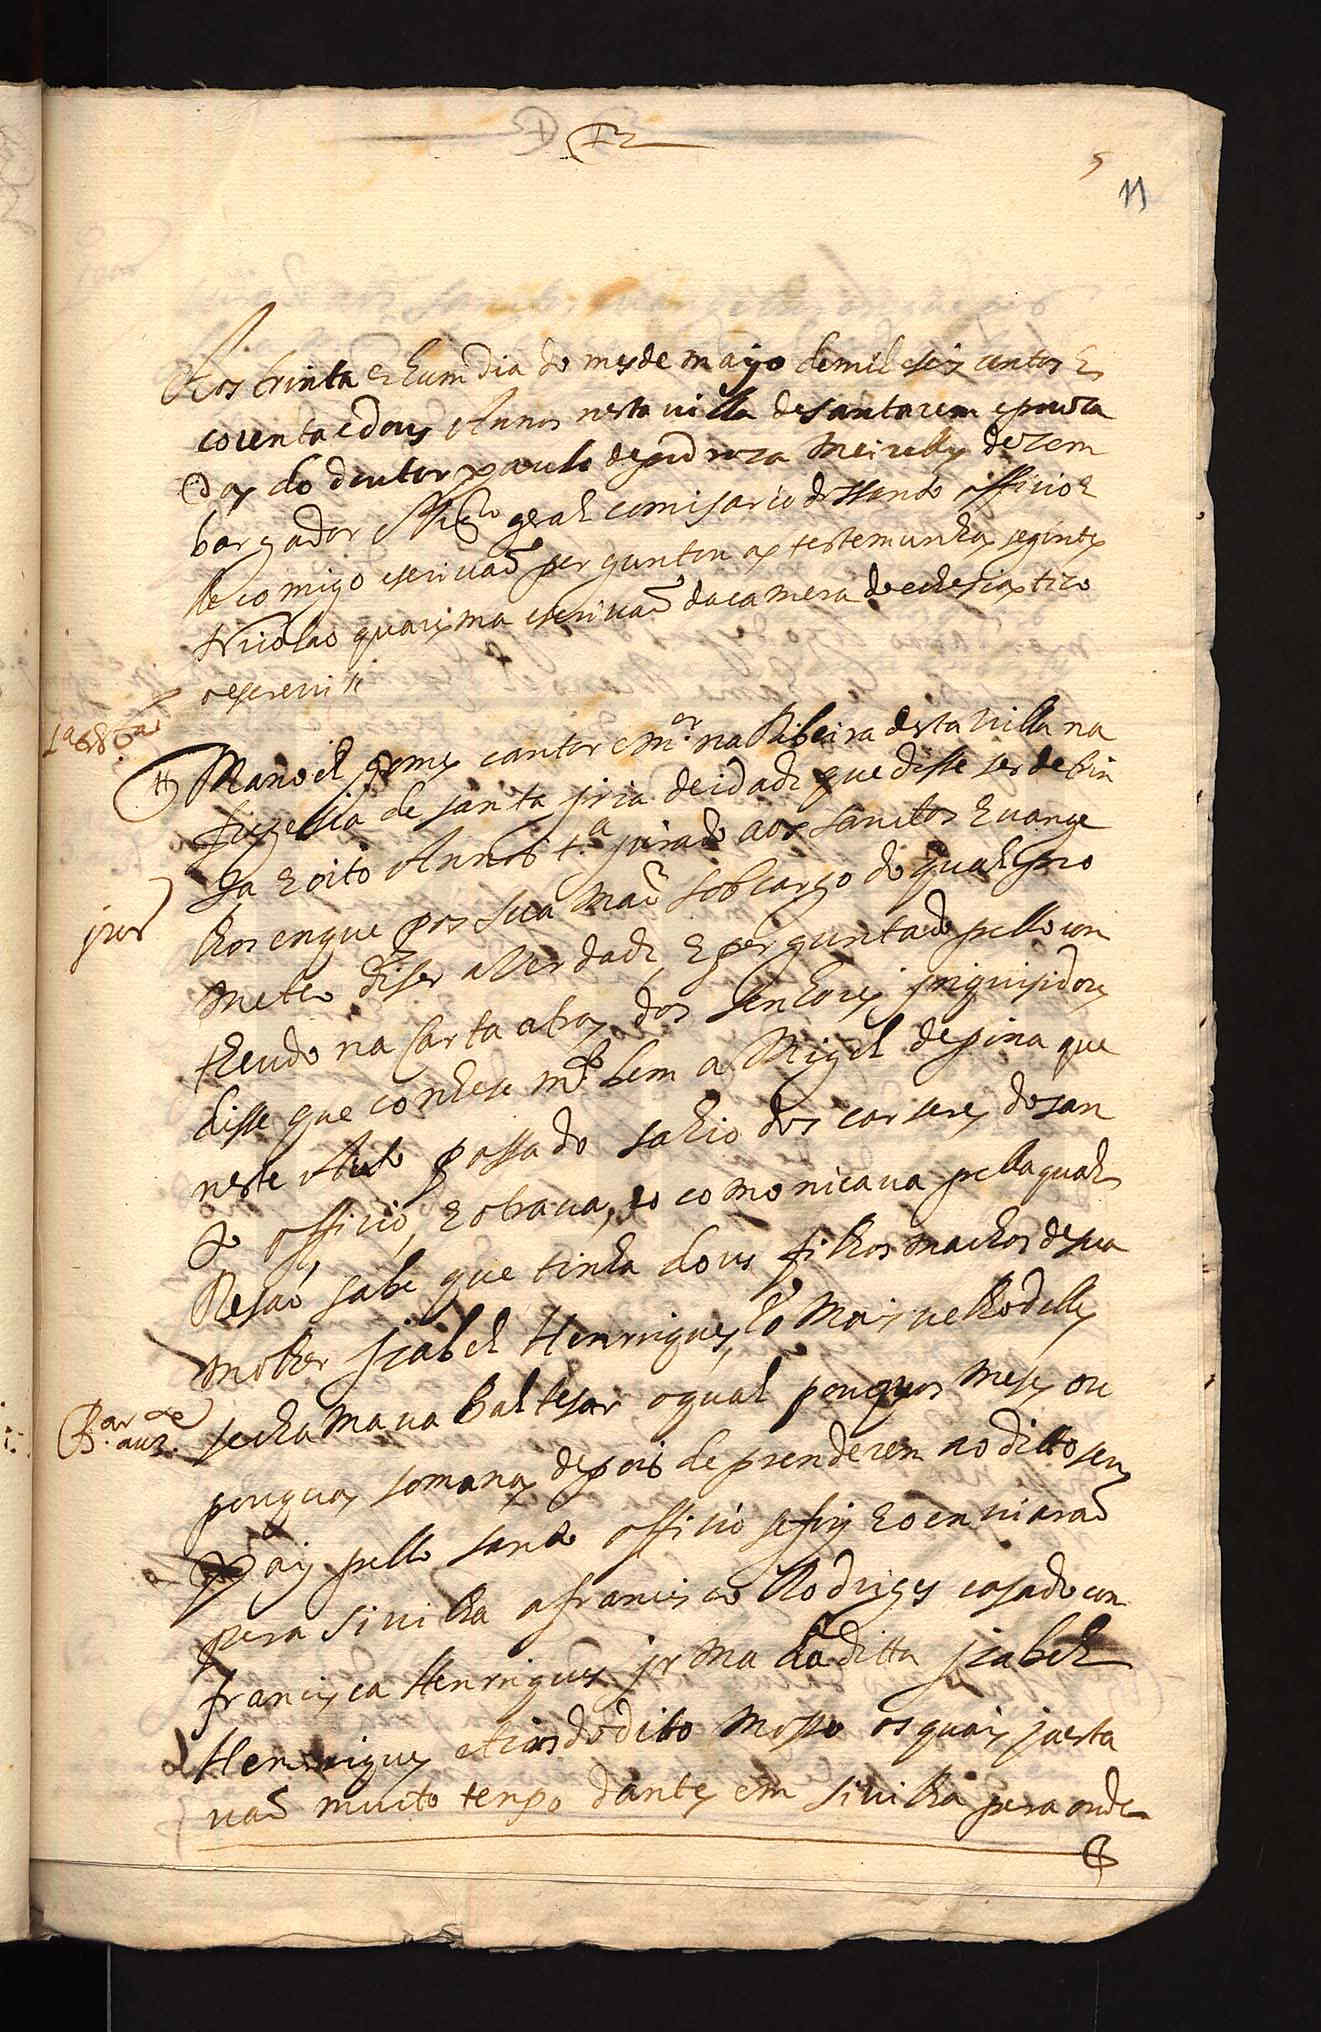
Aos trinta E hum dias do mes de mayo de mil e seiscentos E
corenta e dous Annos nesta uilla de santarem e pouza
das do doutor paulo de pedroza Meirelles dezem
bargador e Vigro geral comisario do ssanto officio E
lle comigo escriuaõ perguntou as testemunhas seguintes
Nicolao quaresma escriuaõ da camera do eclesiastico
o escreui //
item Manoel gomes cantor e mor. na Ribeira desta Villa na
fregesia de santa Jria de idade que disse ser de trin
ta E oito Annos t.a jurado aos sanctos Euange
lhos en que pos sua maõ sob cargo do qual pro
meteo diser a Verdade, E perguntado pello con
theudo na Carta atras dos senhores jnquisidores
disse que conhese mto bem a Migel de pina que
neste Auto passado sahio dos carseres do san
to officio, E o traua, E o comonicaua pella quaL
Resaõ sabe que tinha dous filhos machos de sua
molher Jzabel Henrriques, & o Mais uelho delles
se chamaua Baltesar o qual pouquos meses ou
pouquas somanas depois de prenderem ao ditto seu
pay pello santo officio se foy E o enuiaraõ
pera Siuilha a francisco Rodriges casado con
francisca Henrriques jrma da ditta JzabeL
Hen_riques e tias do ditto mosso os quais ja esta
uaõ muito tenpo dantes em Siuilha pera onde
